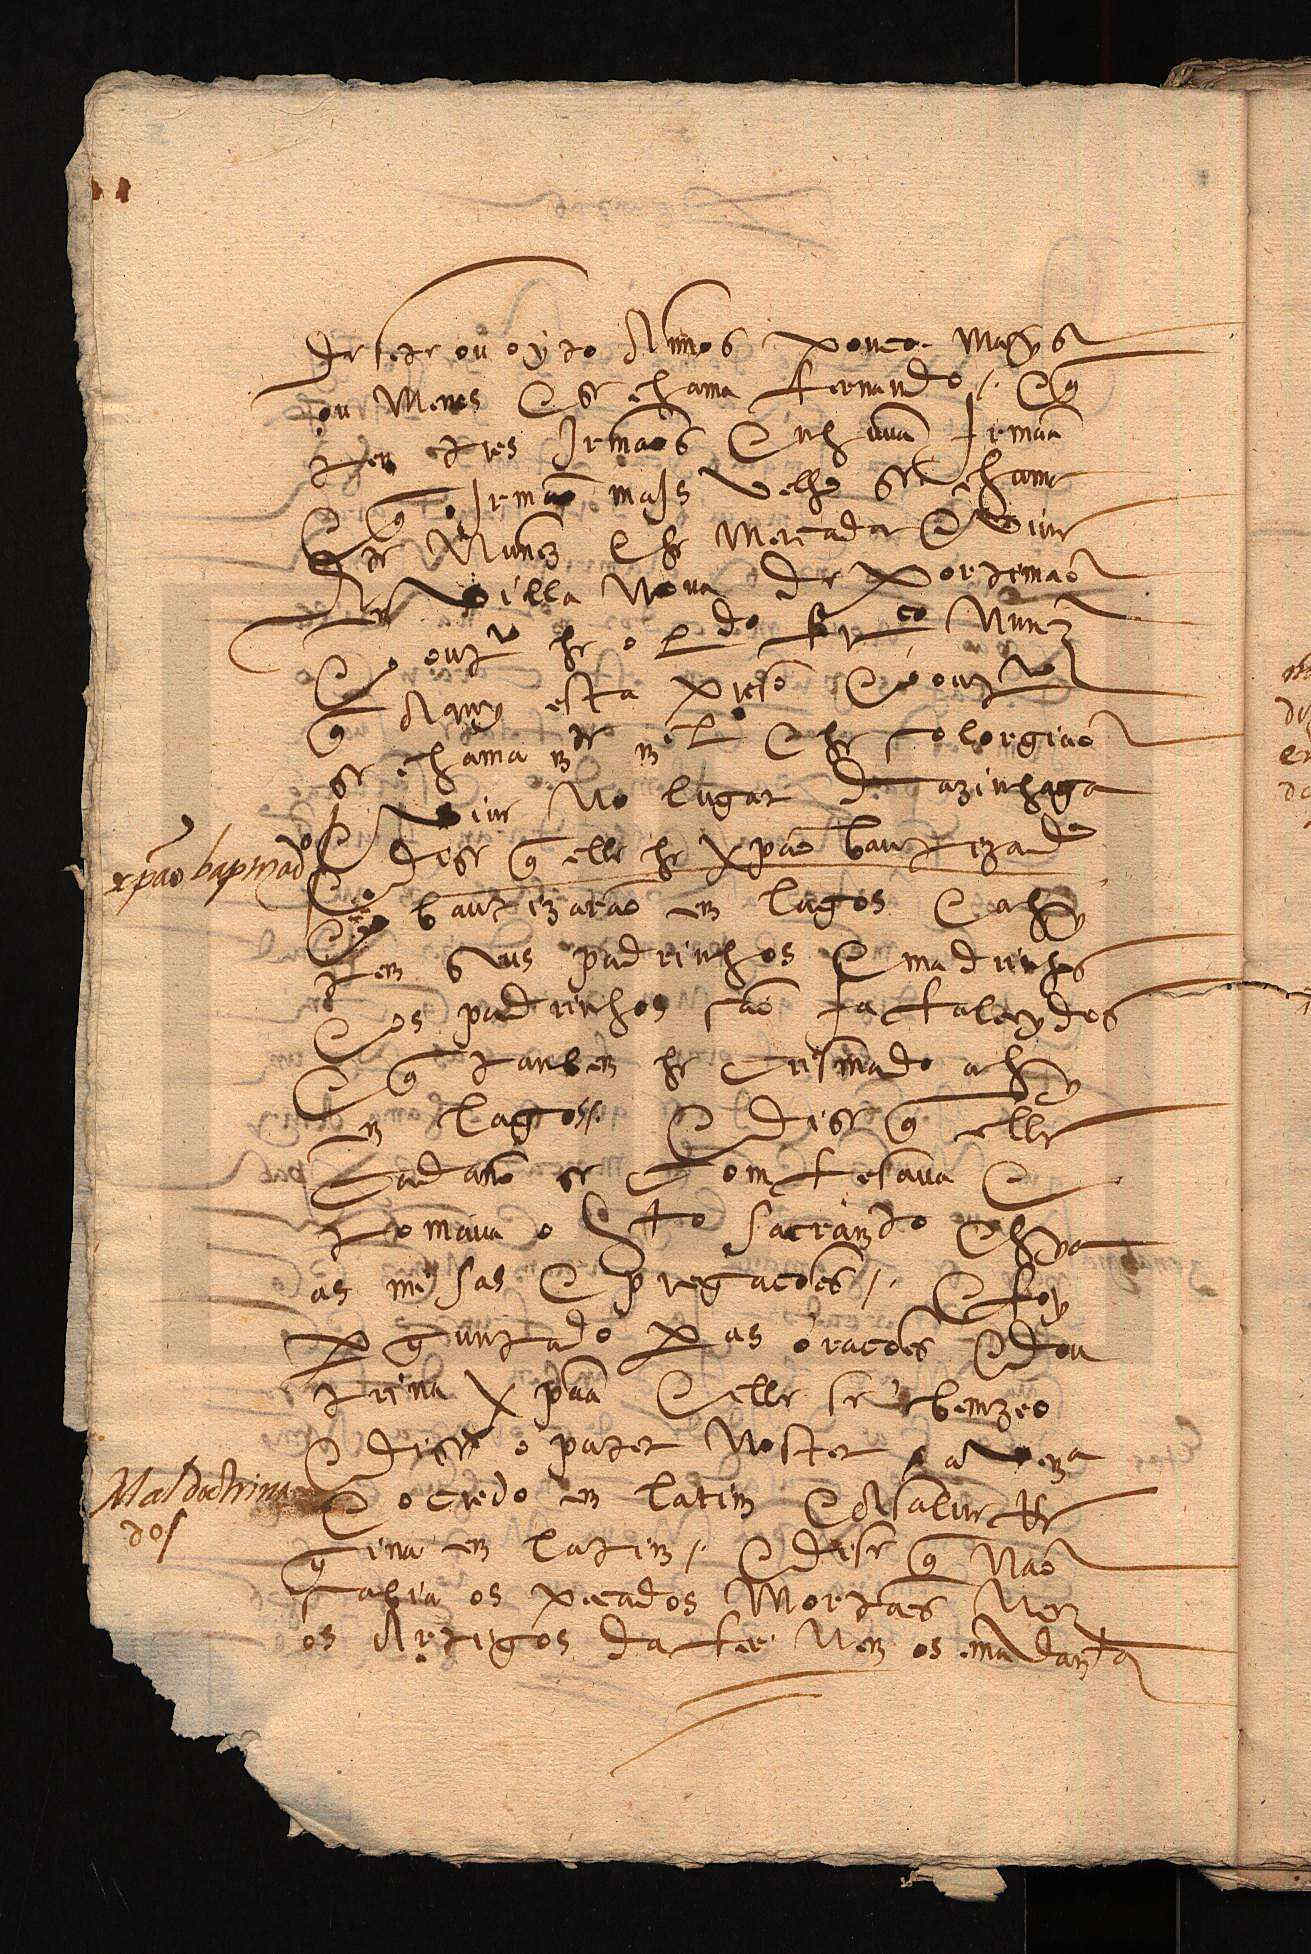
xpão baptizado
Mal doctrina
do /
de sete ou oyto An̄nos pouco mays
ou menos e se chama fernando /. e q̄
tem tres Jrmãos e nhūua Jrmaã
e q̄ o Jrmão majs velho se chama
drte Nun̄ez e he mercador e viue
em villa noua de portimaõ
e o outro he o Ldo frco nunez̄
q̄ Aquy esta preso e o outro
se chama mte meL e he solorgiaõ
e viue no lugar de azinhaga
e dise q̄ elle he Xpão bautizado
e o bautizarão em lagos e ahy
tem seus padrinhos e madrinhas
e os padrinhos são Ja falecydos
e q̄ tanbem he crismado ahy
em lagos /. e dise q̄ elle
Cada an̄o se Comfesaua e
tomaua o Sto Sacramto e hya
as misas e pregaçoēs /. e foy
ꝑguntado ꝑ as oracões e dou
trina Xpāa e elle se bemzeo
e dise o pater noster e ave ma
e o credo em latim e A salue Re
gina em latim /. e dise q̄ naõ
sabia os pecados mortāes nem
os Artigos da fee nem os mādamtos
